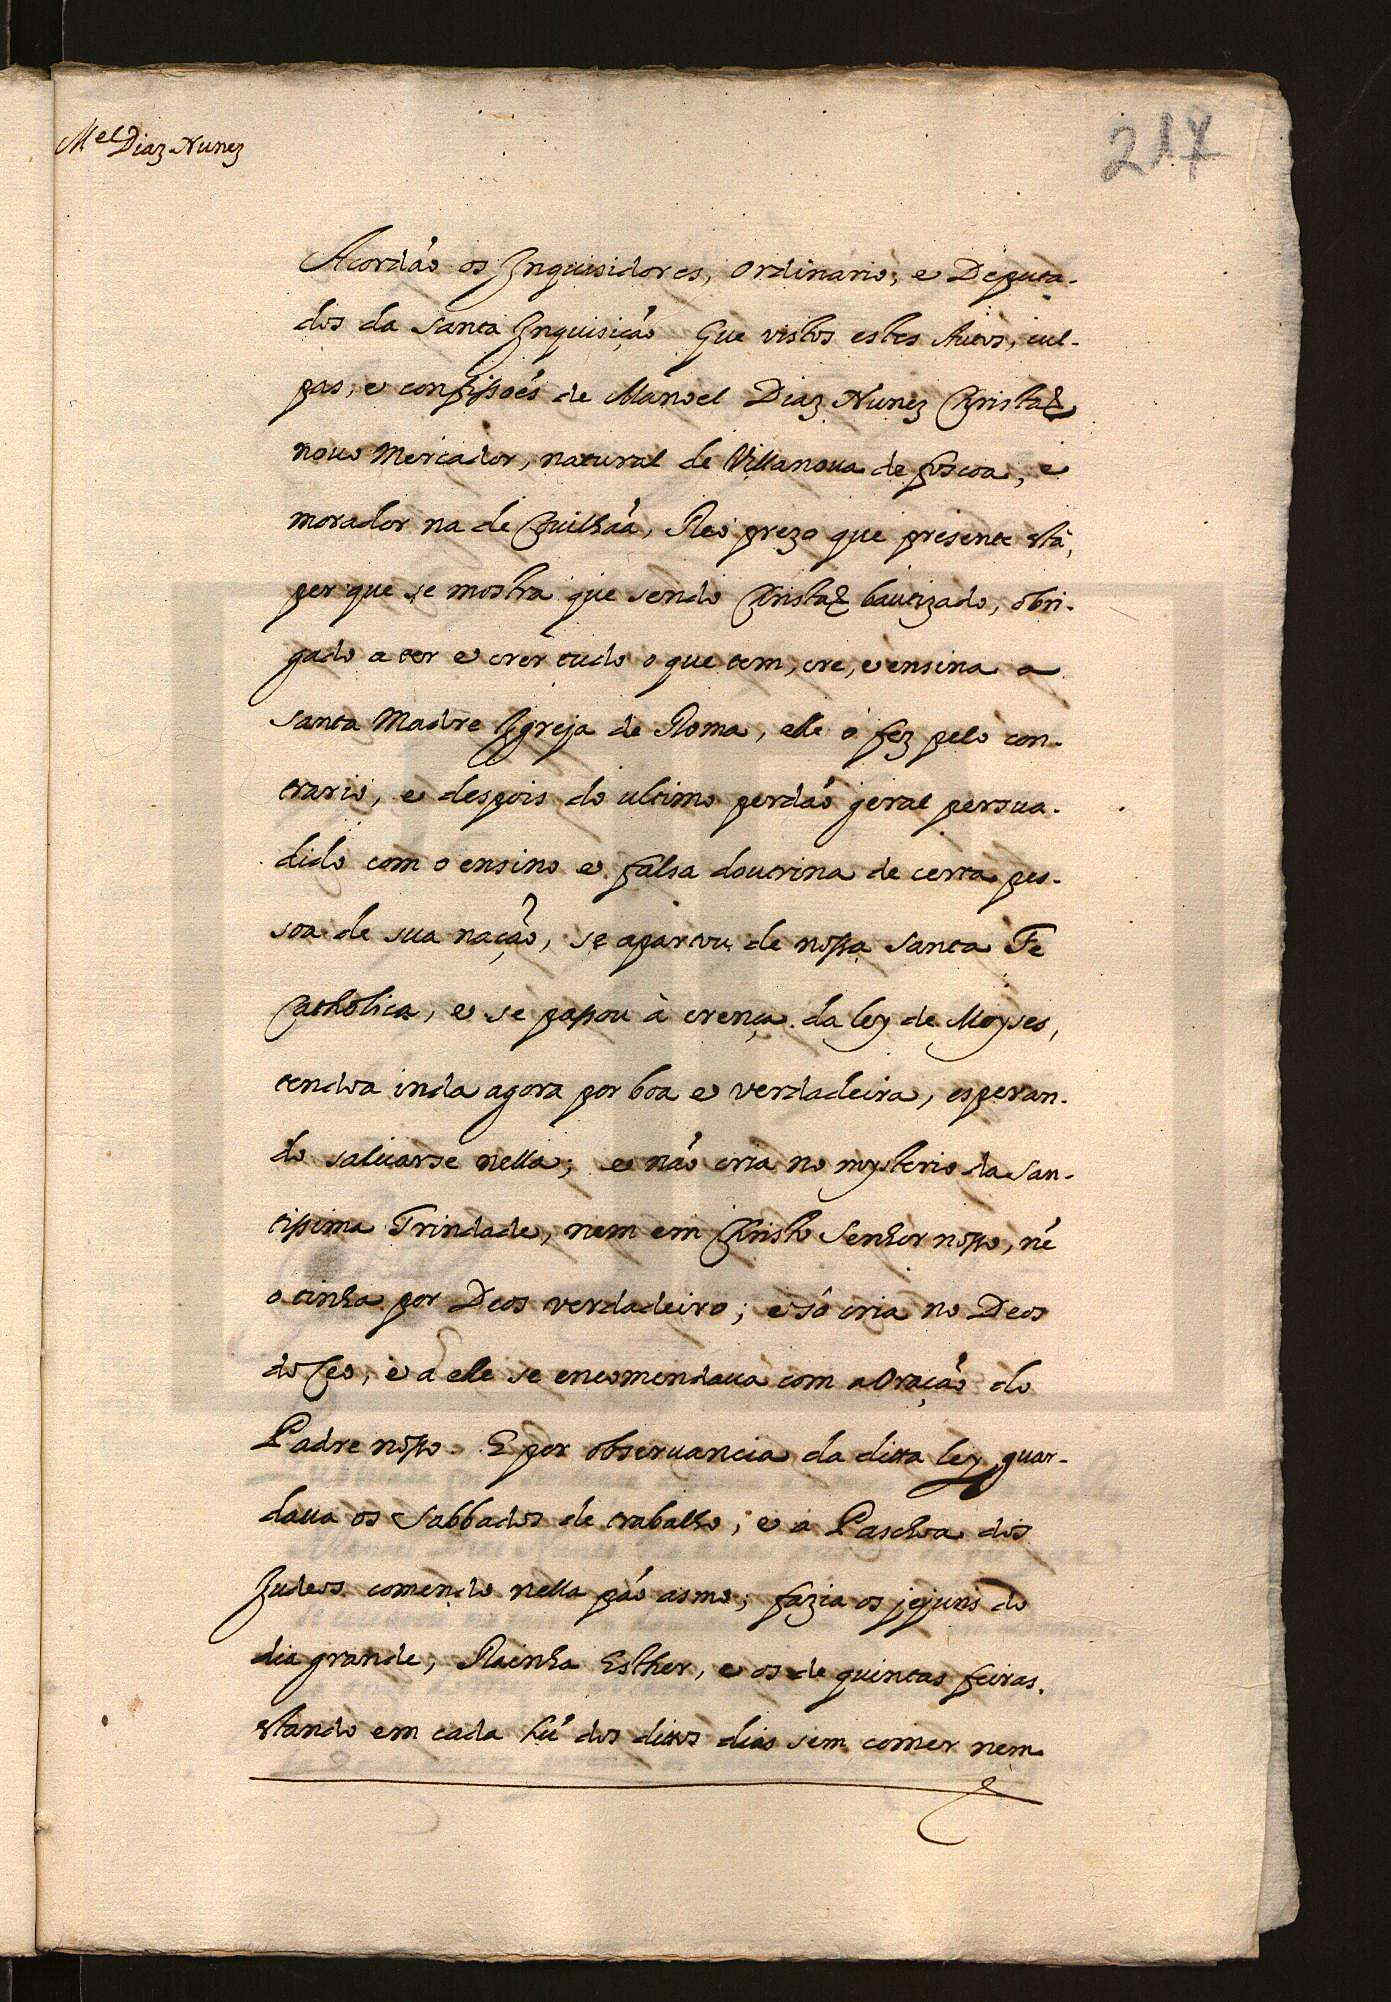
Mel Diaz Nunez
Acordaõ os Jnquisidores, ordinario; e Deputa
dos da santa Jnquisiçaõ que vistos estes Autos, cul
pas, e confissoẽs de Manoel Diaz Nunez Christaõ
nouo mercador, natural de Villa noua de foscoa, e
morador na de Couilhaã, Reo prezo que presente està,
perque se mostra que sendo Christaõ bautizado, obri
gado a ter e crer tudo o que tem, cre, e ensina a
santa Madre Jgreja de Roma, elle o fez pelo con
trario, e despois do ultimo perdaõ geral persua
dido com o ensino e falsa doutrina de certa pes
soa de sua naçaõ, se apartou de nossa santa Fe
Catholica, e se passou à crença da ley de Moyses,
tendoa inda agora por boa e verdadeira, esperan
do salvar se nella; e naõ cria no mysterio da san
tissima Trindade, nem em Christo Senhor nosso, nẽ
o tinha por Deos verdadeiro; e só cria no Deos
do Ceo, e a elle se encomendaua com a Oraçaõ do
do Padre nosso. E por obseruancia da ditta ley guar
daua os sabbados de trabalho; e a Paschoa dos
Judeos, comendo nella pão asmo; fazia os jejuns do
dia grande, Rainha Esther, e os de quintas feiras,
estando em cada hū dos dittos dias sem comer nem
